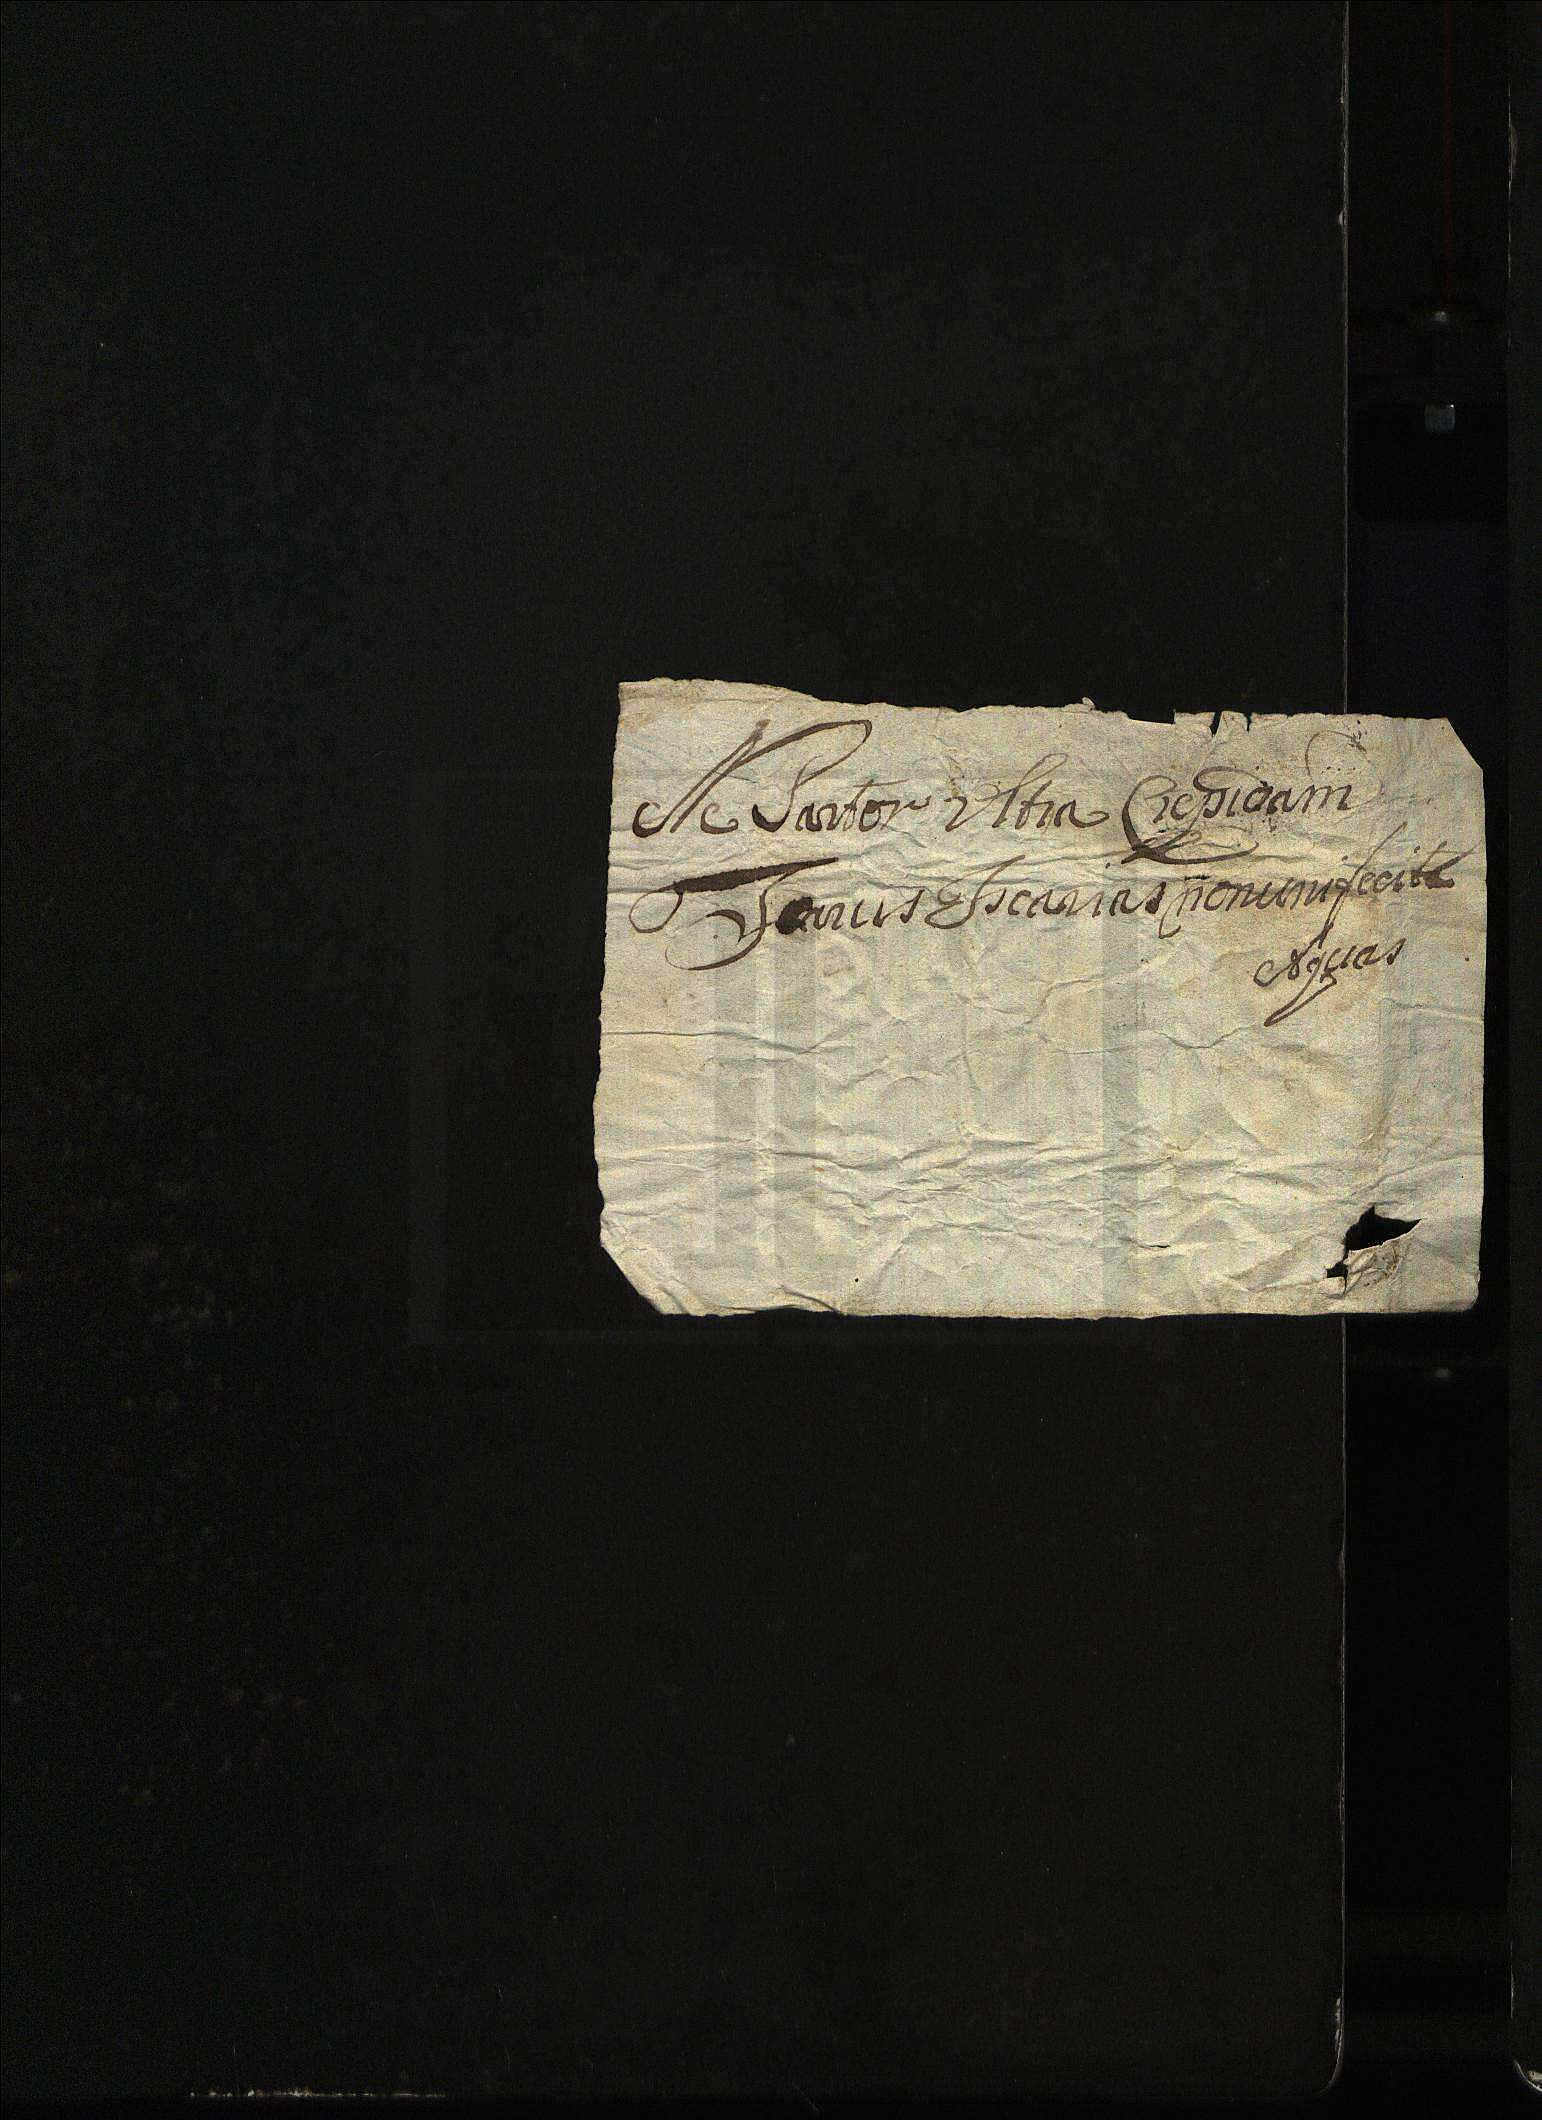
Ne Sutor vltra Crepidam
F_arus Iscarias non usci fecit_
Aquas
